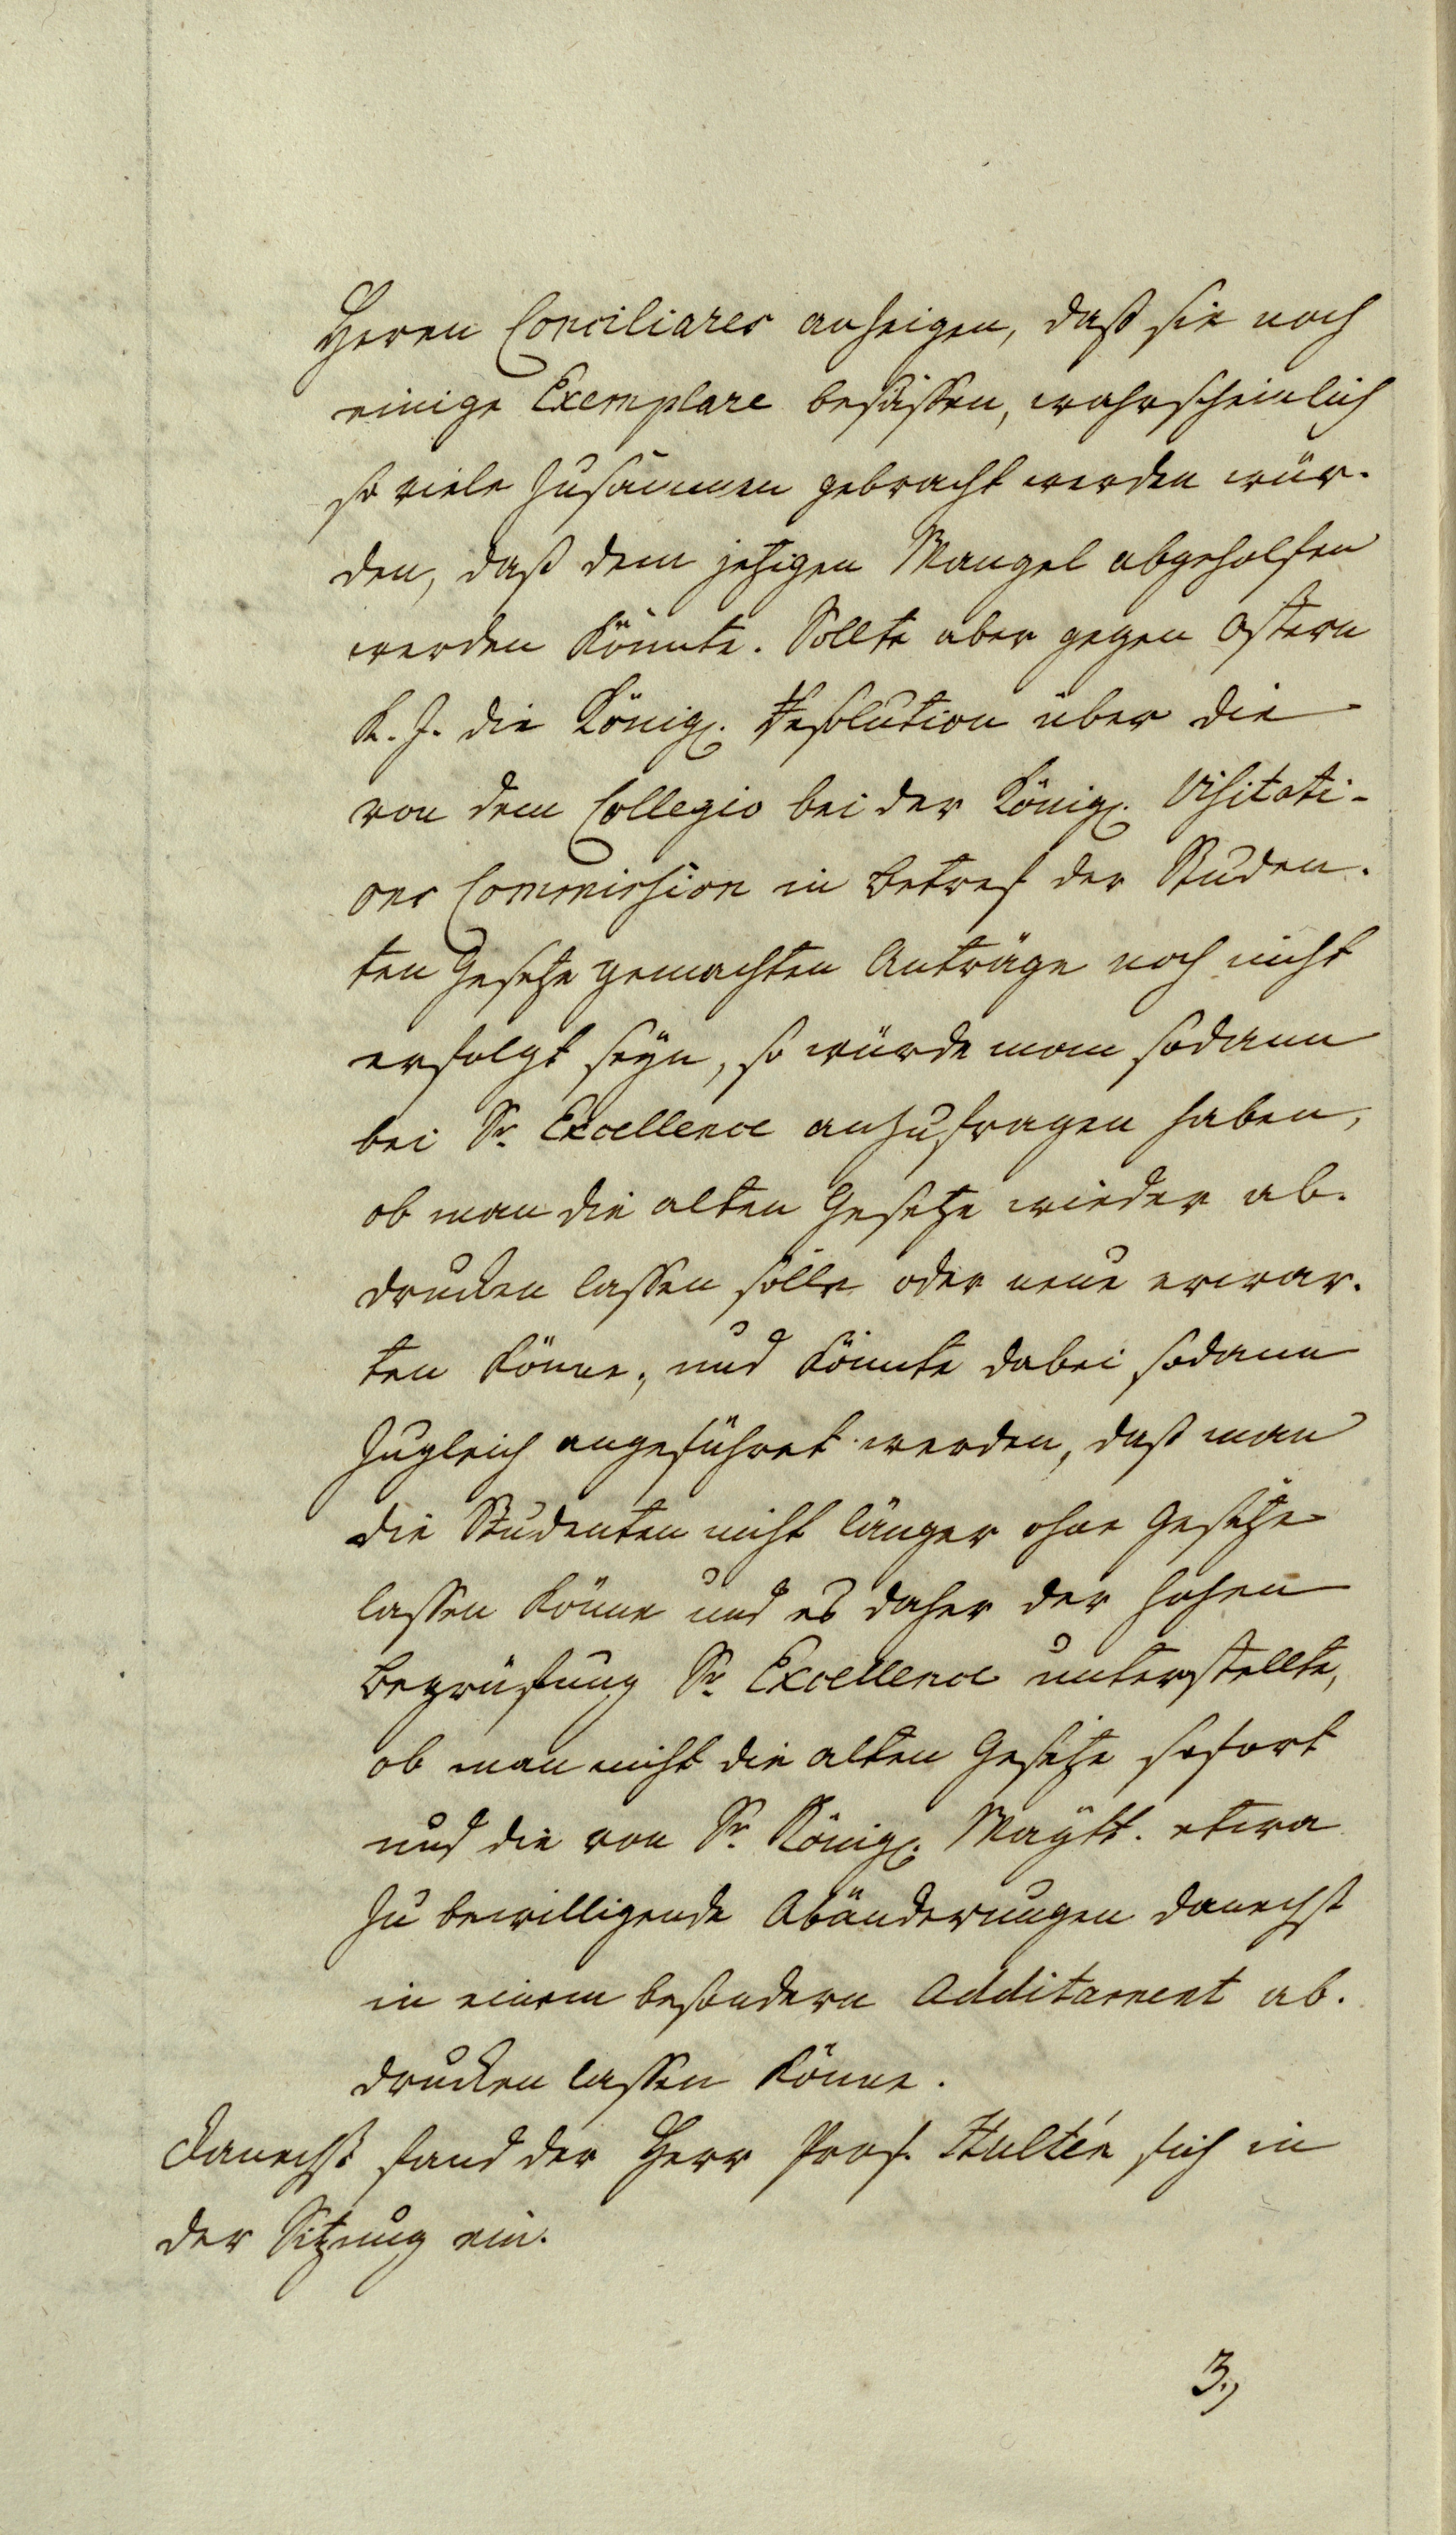Herren Conciliares anzeigen, daß sie noch
einige Exemplare besässen, wahrscheinlich
so viele zusammen gebracht werden wür¬
den, daß dem jetzigen Mangel abgeholfen
werden könnte. Sollte aber gegen Ostern
K. J. die Königl. Resolution über die
von dem Collegio bei der Königl. Visitati¬
ons Commission in Betref der Studen¬
ten Gesetze gemachten Anträge noch nicht
erfolgt seÿn, so würde man sodann
bei Sr. Excellence anzufragen haben,
ob man die alten Gesetze wieder ab¬
drucken lassen solle oder neue erwar¬
ten könne; und könnte dabei sodann
zugleich angeführet werden, daß man
die Studenten nicht länger ohne Gesetze
lassen könne und es daher der hohen
Beprüfung Sr. Excellence unterstellte,
ob man nicht die alten Gesetze sofort
und die von Sr. Königl. Maÿst. etwa
zu bewilligende Abänderungen danechst
in einem besonderen Additament ab¬
drucken lassen könne.
Danechst fand der Herr Prof. Hultén sich in
der Sitzung ein.
3.,